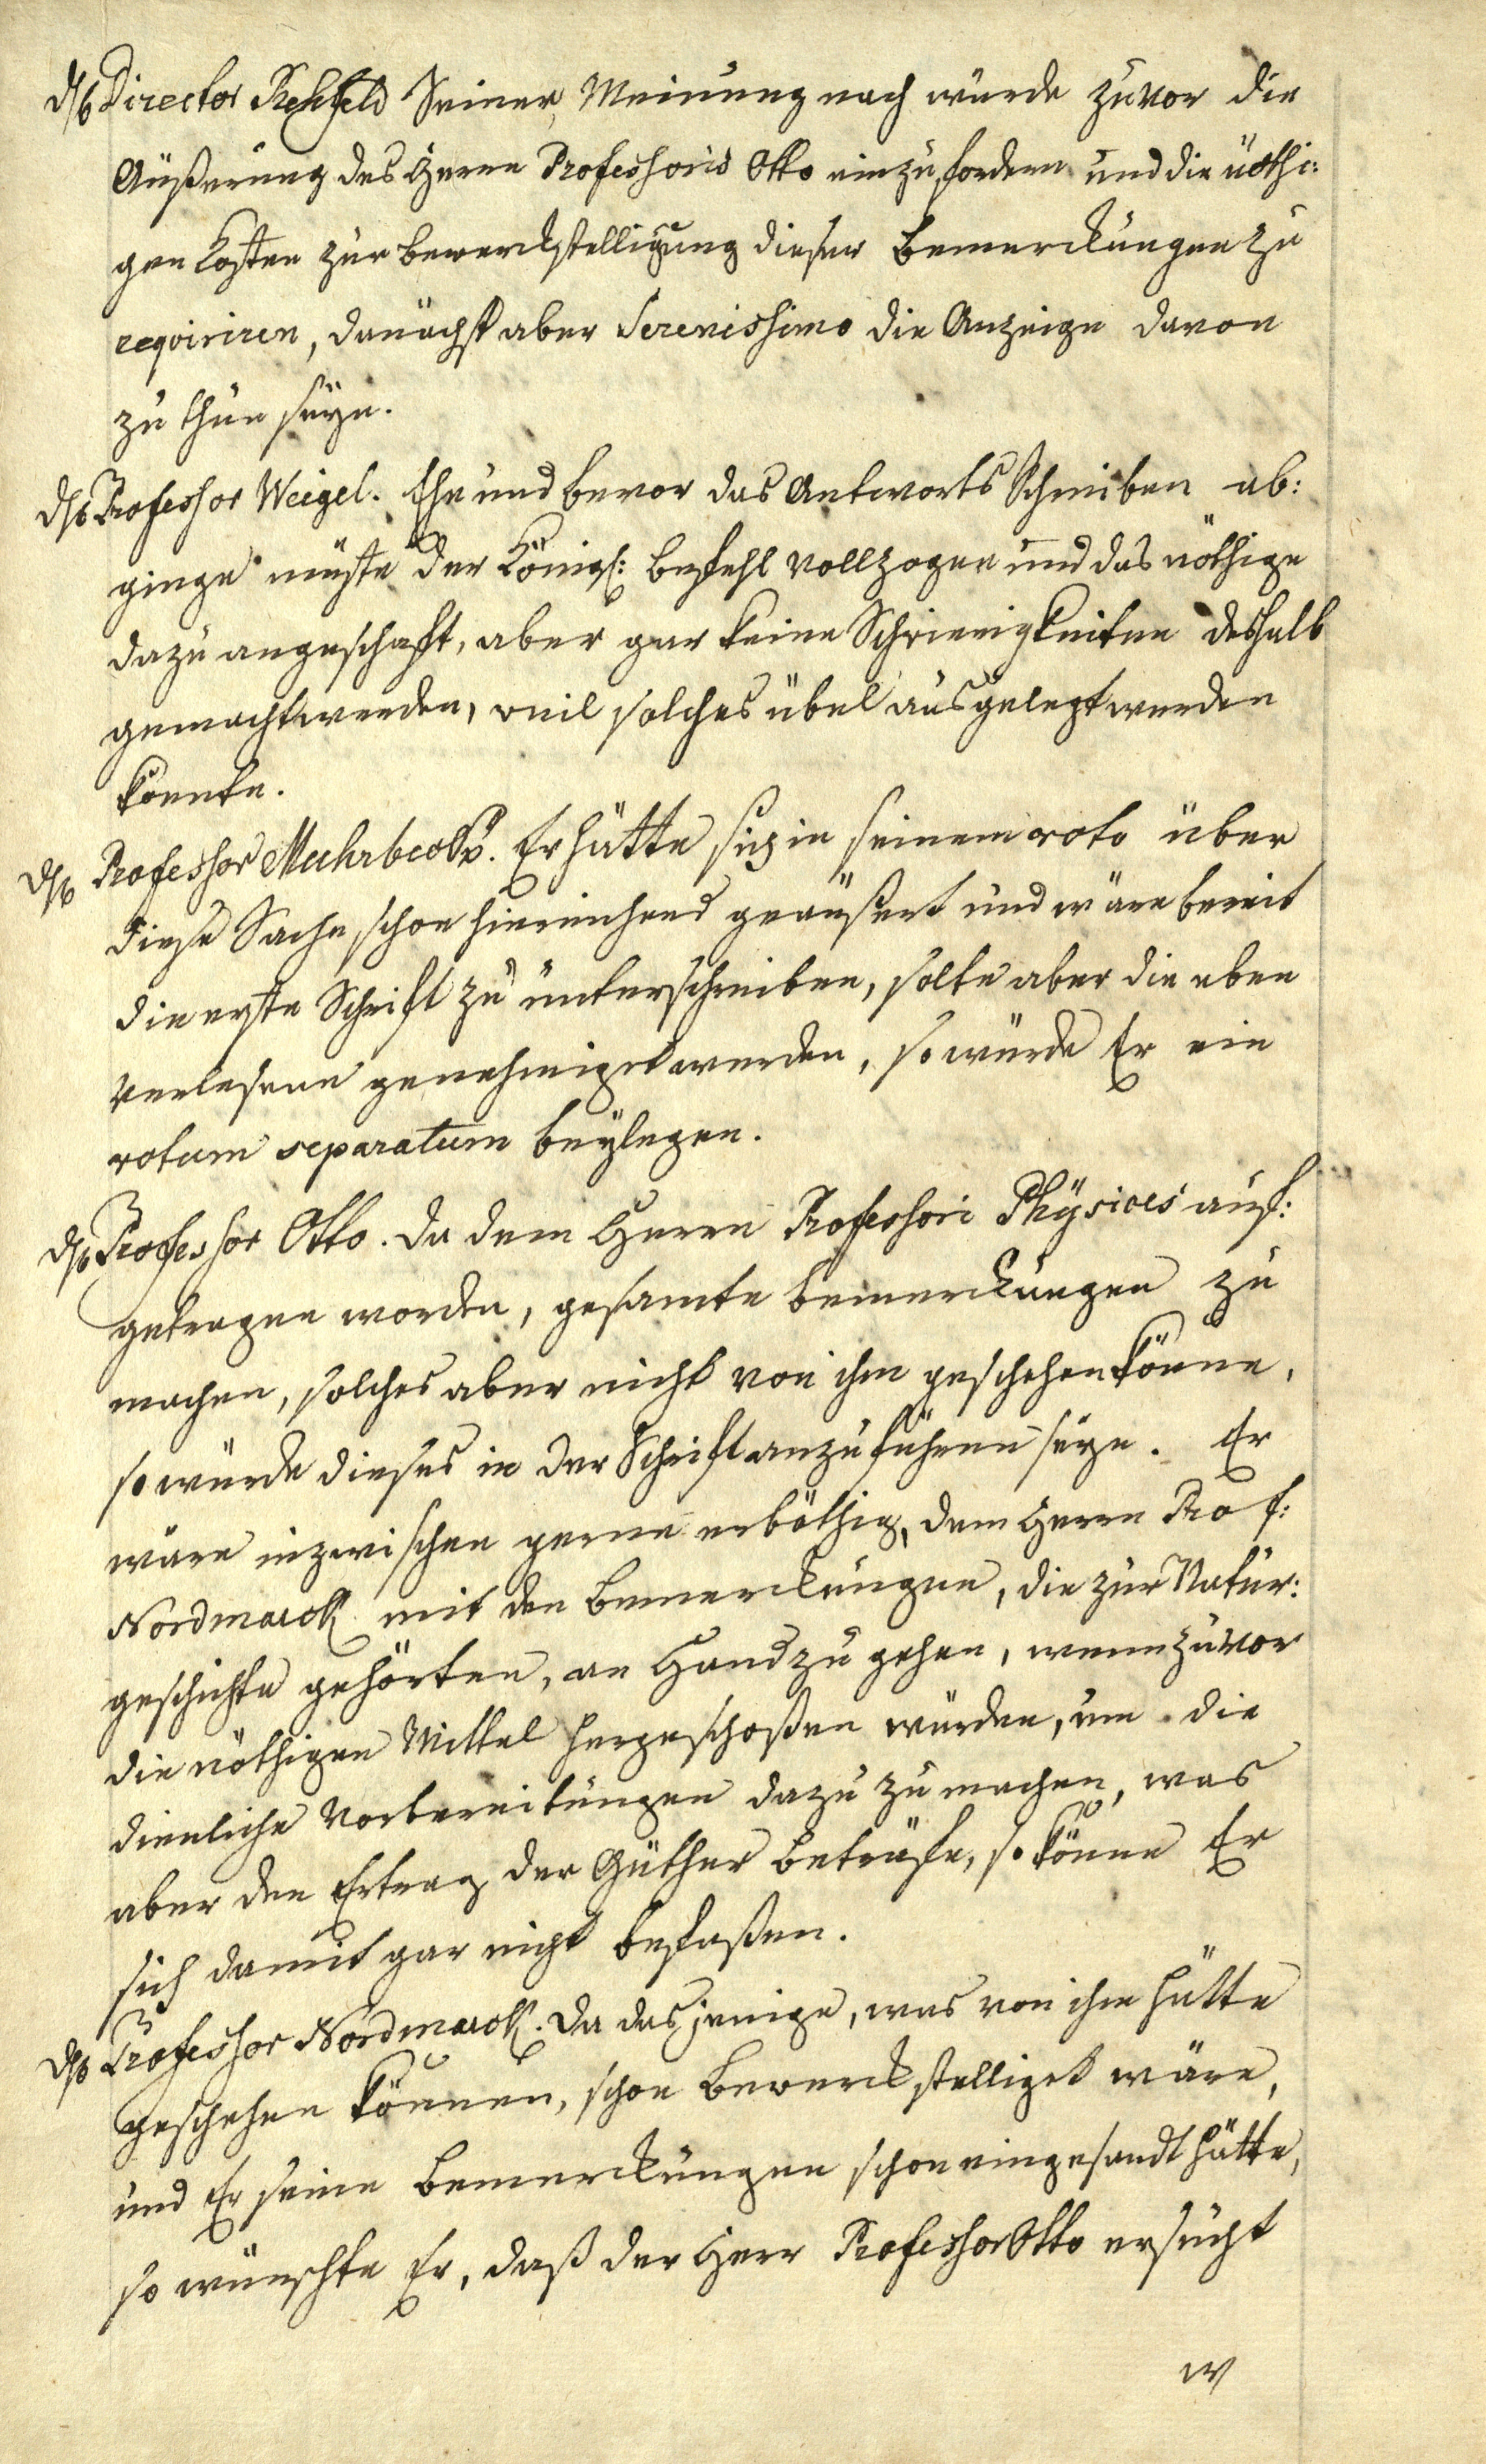dh Director Rehfeld Seiner Meinung nach würde zuvor die
Äußerung des Herrn Professoris Otto einzufordern und die nöthi¬
gen Kosten zur Bewerkstelligung dieser Bemerkungen zu
requiriren, danächst aber Serenissimo die Anzeige davon
zu thun seÿn.
dh Professor Weigel. Ehe und bevor das Antworts Schreiben ab¬
ginge müste der Königl. Befehl vollzogen und das nöthige
dazu angeschaft, aber gar keine Schwierigkeiten deshalb
gemacht werden, weil solches übel ausgelegt werden
könnte.
dh Professor Muhrbeck. Er hätte sich in seinem voto über
diese Sache schon hinreichend geäußert und wäre bereit
die erste Schrift zu unterschreiben, solte aber die eben
verlesene genehmiget werden, so würde Er ein
votum separatum beÿlegen.
dh Professor Otto. Da dem Herrn Professori Phÿsices auf
getragen worden, gesamte Bemerckungen zu
machen, solches aber nicht von ihm geschehen könne,
so würde dieses in der Schrift anzuführen seÿn. Er
wäre inzwischen gerne erböthig, dem Herrn Prof.
Nordmarck mit den Bemerckungen, die zur Natur¬
geschichte gehörten, an Hand zu gehen, wenn zuvor
die nöthigen Mittel hergeschoßen würden, um die
dienliche Vorbereitungen dazu zu machen, was
aber den Ertrag der Güther beträfe, so könne Er
sich damit gar nicht befaßen.
dh Professor Nordmarck. Da dasjenige, was von ihm hätte
geschehen können, schon bewerckstelliget wäre,
und Er seine Bemerckungen schon eingesandt hätte,
so wünschte Er, daß der Herr ProfessorOtto ersucht
w